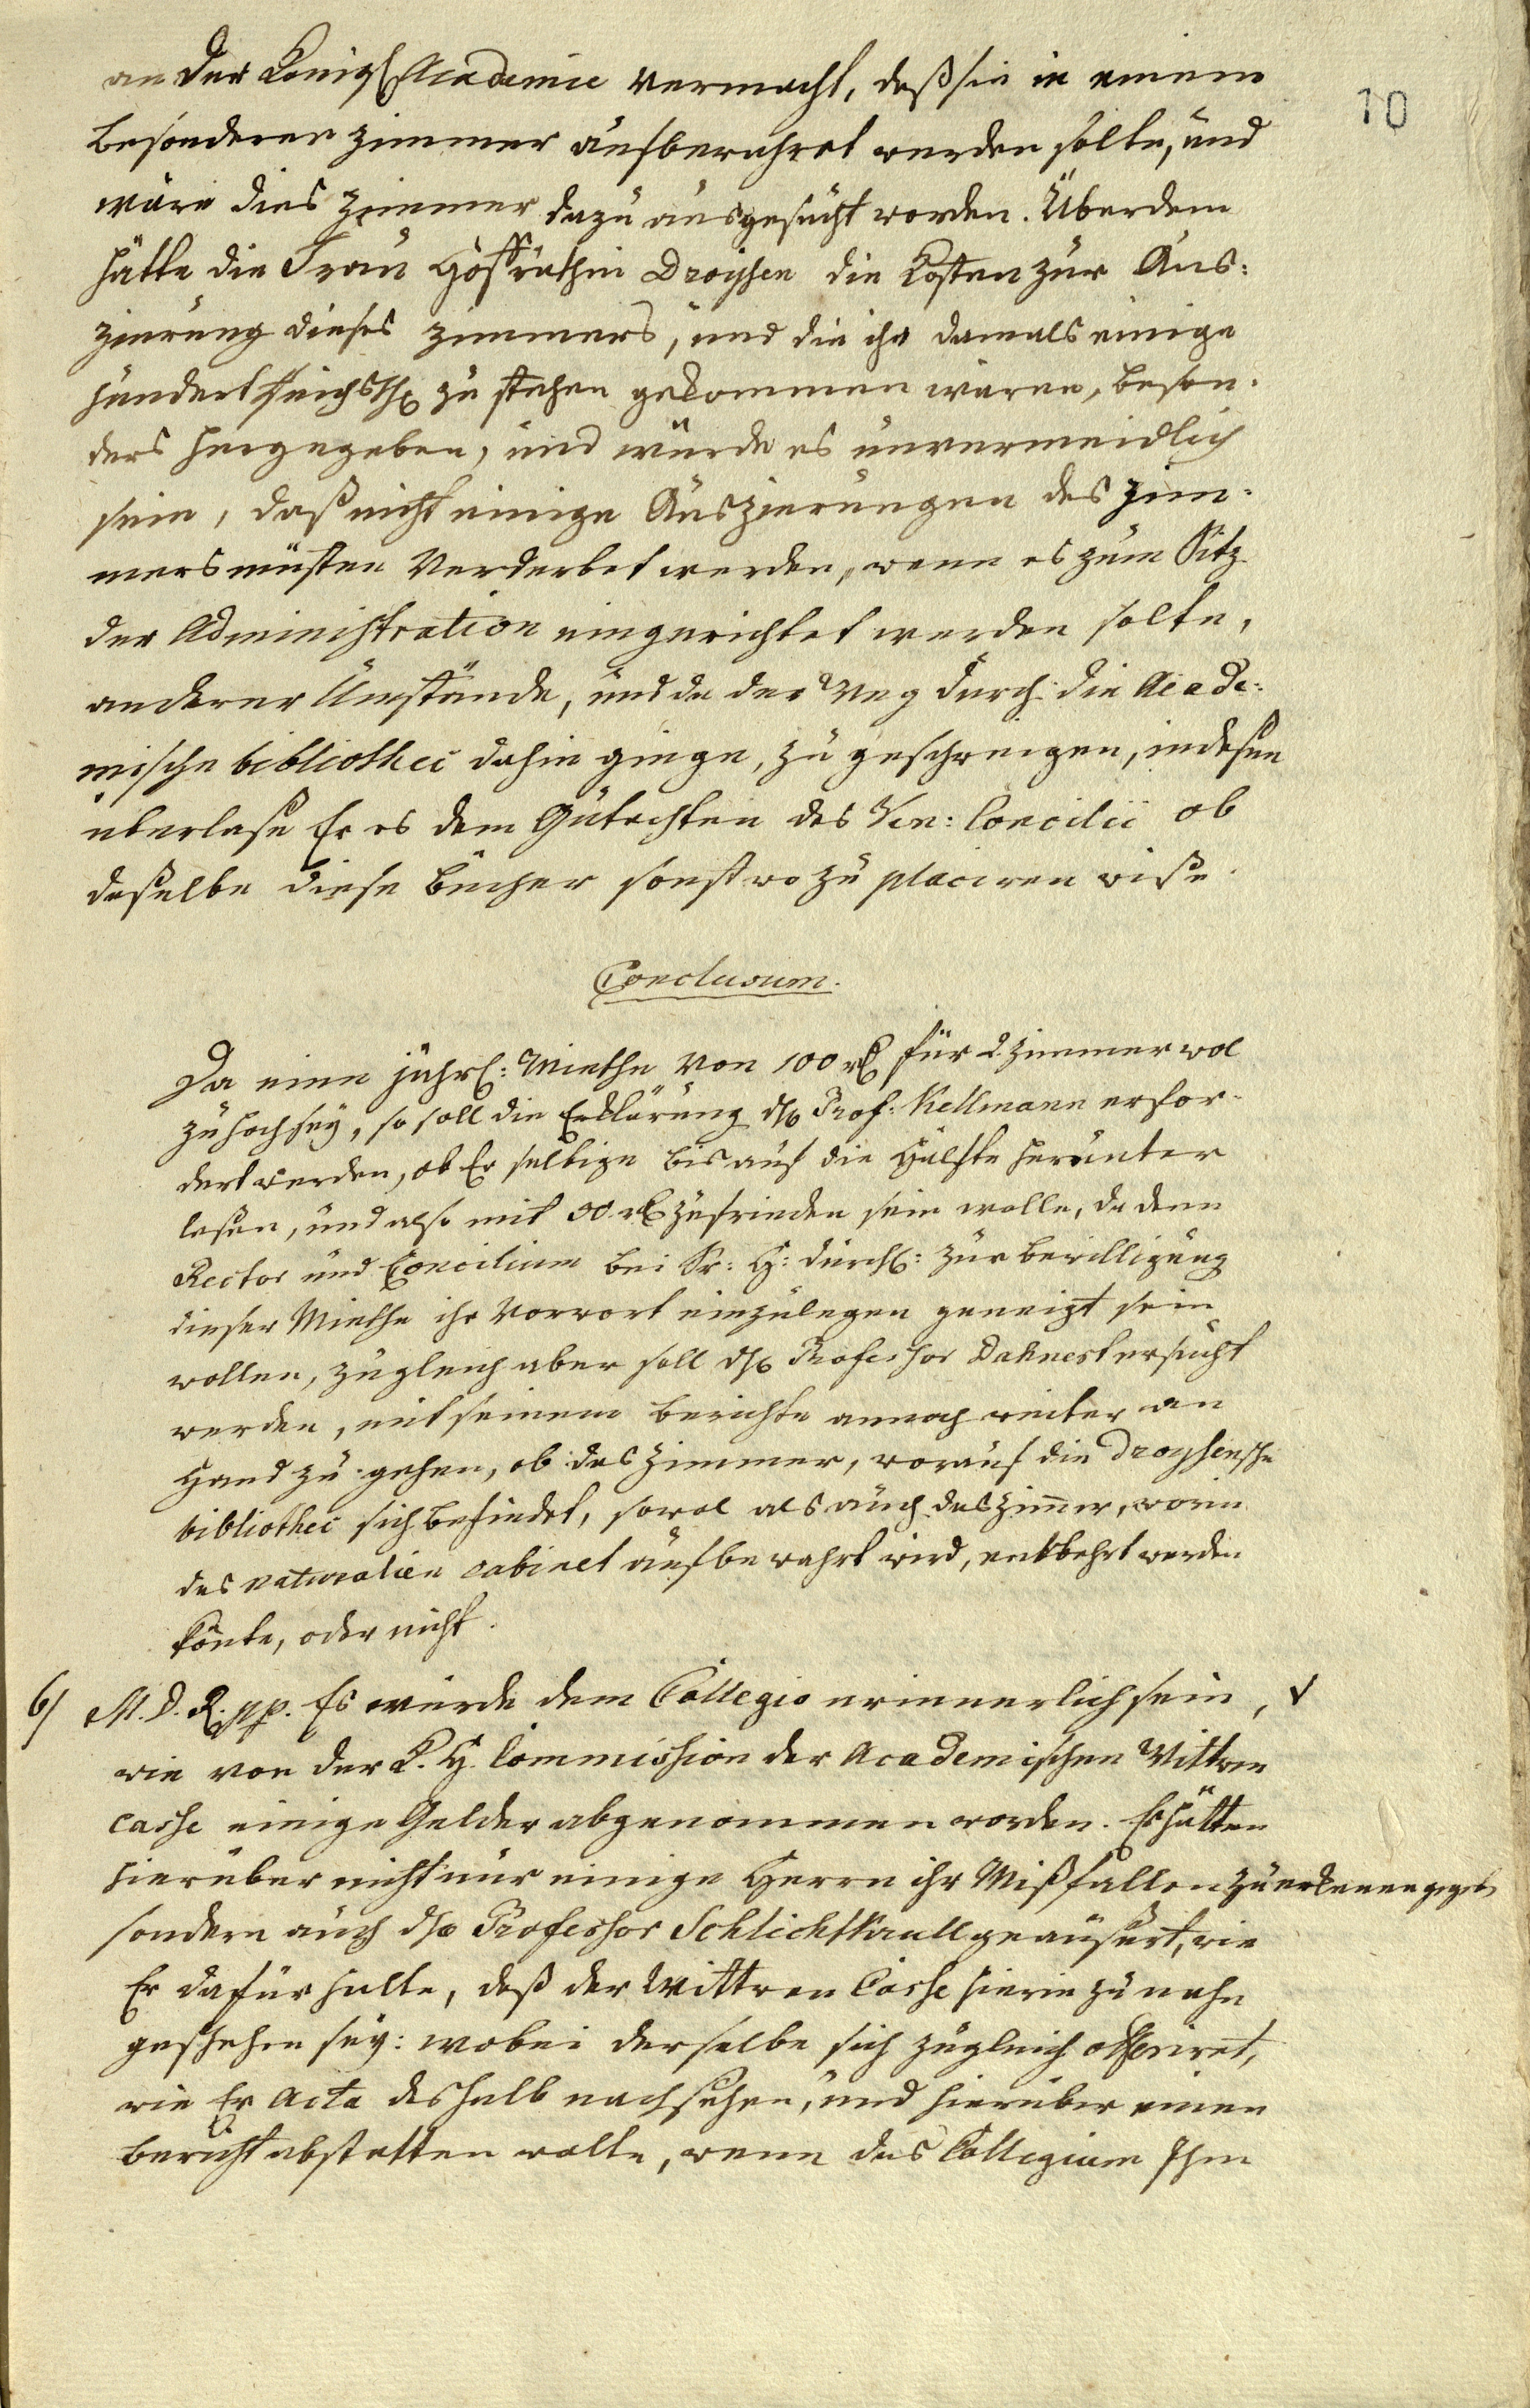an der Königl. Academie vermacht, daß sie in einem
besonderen Zimmer aufbewahret werden solte, und
wäre dies Zimmer dazu ausgesucht worden. Überdem
hätte die Frau Hofräthin Droÿsen die Kosten zur Aus¬
zierung dieses Zimmers, und die ihr damals einige
hundert Reichst. zustehen gekommen wären, beson¬
ders hergegeben, und würde es unvermeidlich
sein, daß nicht einige Auszierungen des Zim¬
mers müsten verderbet werden, wenn es zum Sitz
der Administration eingerichtet werden solte,
anderer Umstände, und da der Weg durch die Acade¬
mische Bibliothec dahin ginge, zu geschweigen, indeßen
überlaße Er es dem Gutachten des Ven. Concilii ob
daßelbe diese Bücher sonstwo zu placiren wiße.
Conclusum
Da eine jährliche Miethe von 100 rl. für 2 Zimmer wol
zu hoch seÿ, so soll die Erklärung dh. Prof. Kellmann erfor¬
dert werden, ob Er selbige bis auf die Hälfte herunter
laßen, und also mit 50 rl. zufrieden sein wolle, da denn
Rector und Concilium bei Sr. H. Durchl. zur Bewilligung
dieser Miethe ihr Vorwort einzulegen geneigt sein
wollen, zu gleich aber soll dh. Professor Dähnert ersucht
werden, mit seinem Berichte annoch weiter an
Hand zu gehen, ob das Zimmer, worauf die Droÿsensche
bibliothec sich befindet, sowol als auch das Zimer, worin
das naturalien cabinet aufbewahrt wird, entbehrt werden
könte, oder nicht.
6/ M. D. R. pp.Es würde dem Collegio erinnerlich sein,
wie von der K. H. Commission der Academischen Wittwen
casse einige Gelder abgenommen worden. Es hätten
hierüber nicht nur einige Herren ihr Mißfallen zu erkennen gegeb,
sondern auch dh. Professor Schlichtkrull geäußert, wie
Er dafür halte, daß der Wittwen Casse hierin zu nahe
geschehen seÿ: wobei derselbe sich zugleich offeriret,
wie Er Acta deshalb nachsehen, und hierüber einen
Bericht abstatten wolle, wenn das Collegium Ihm